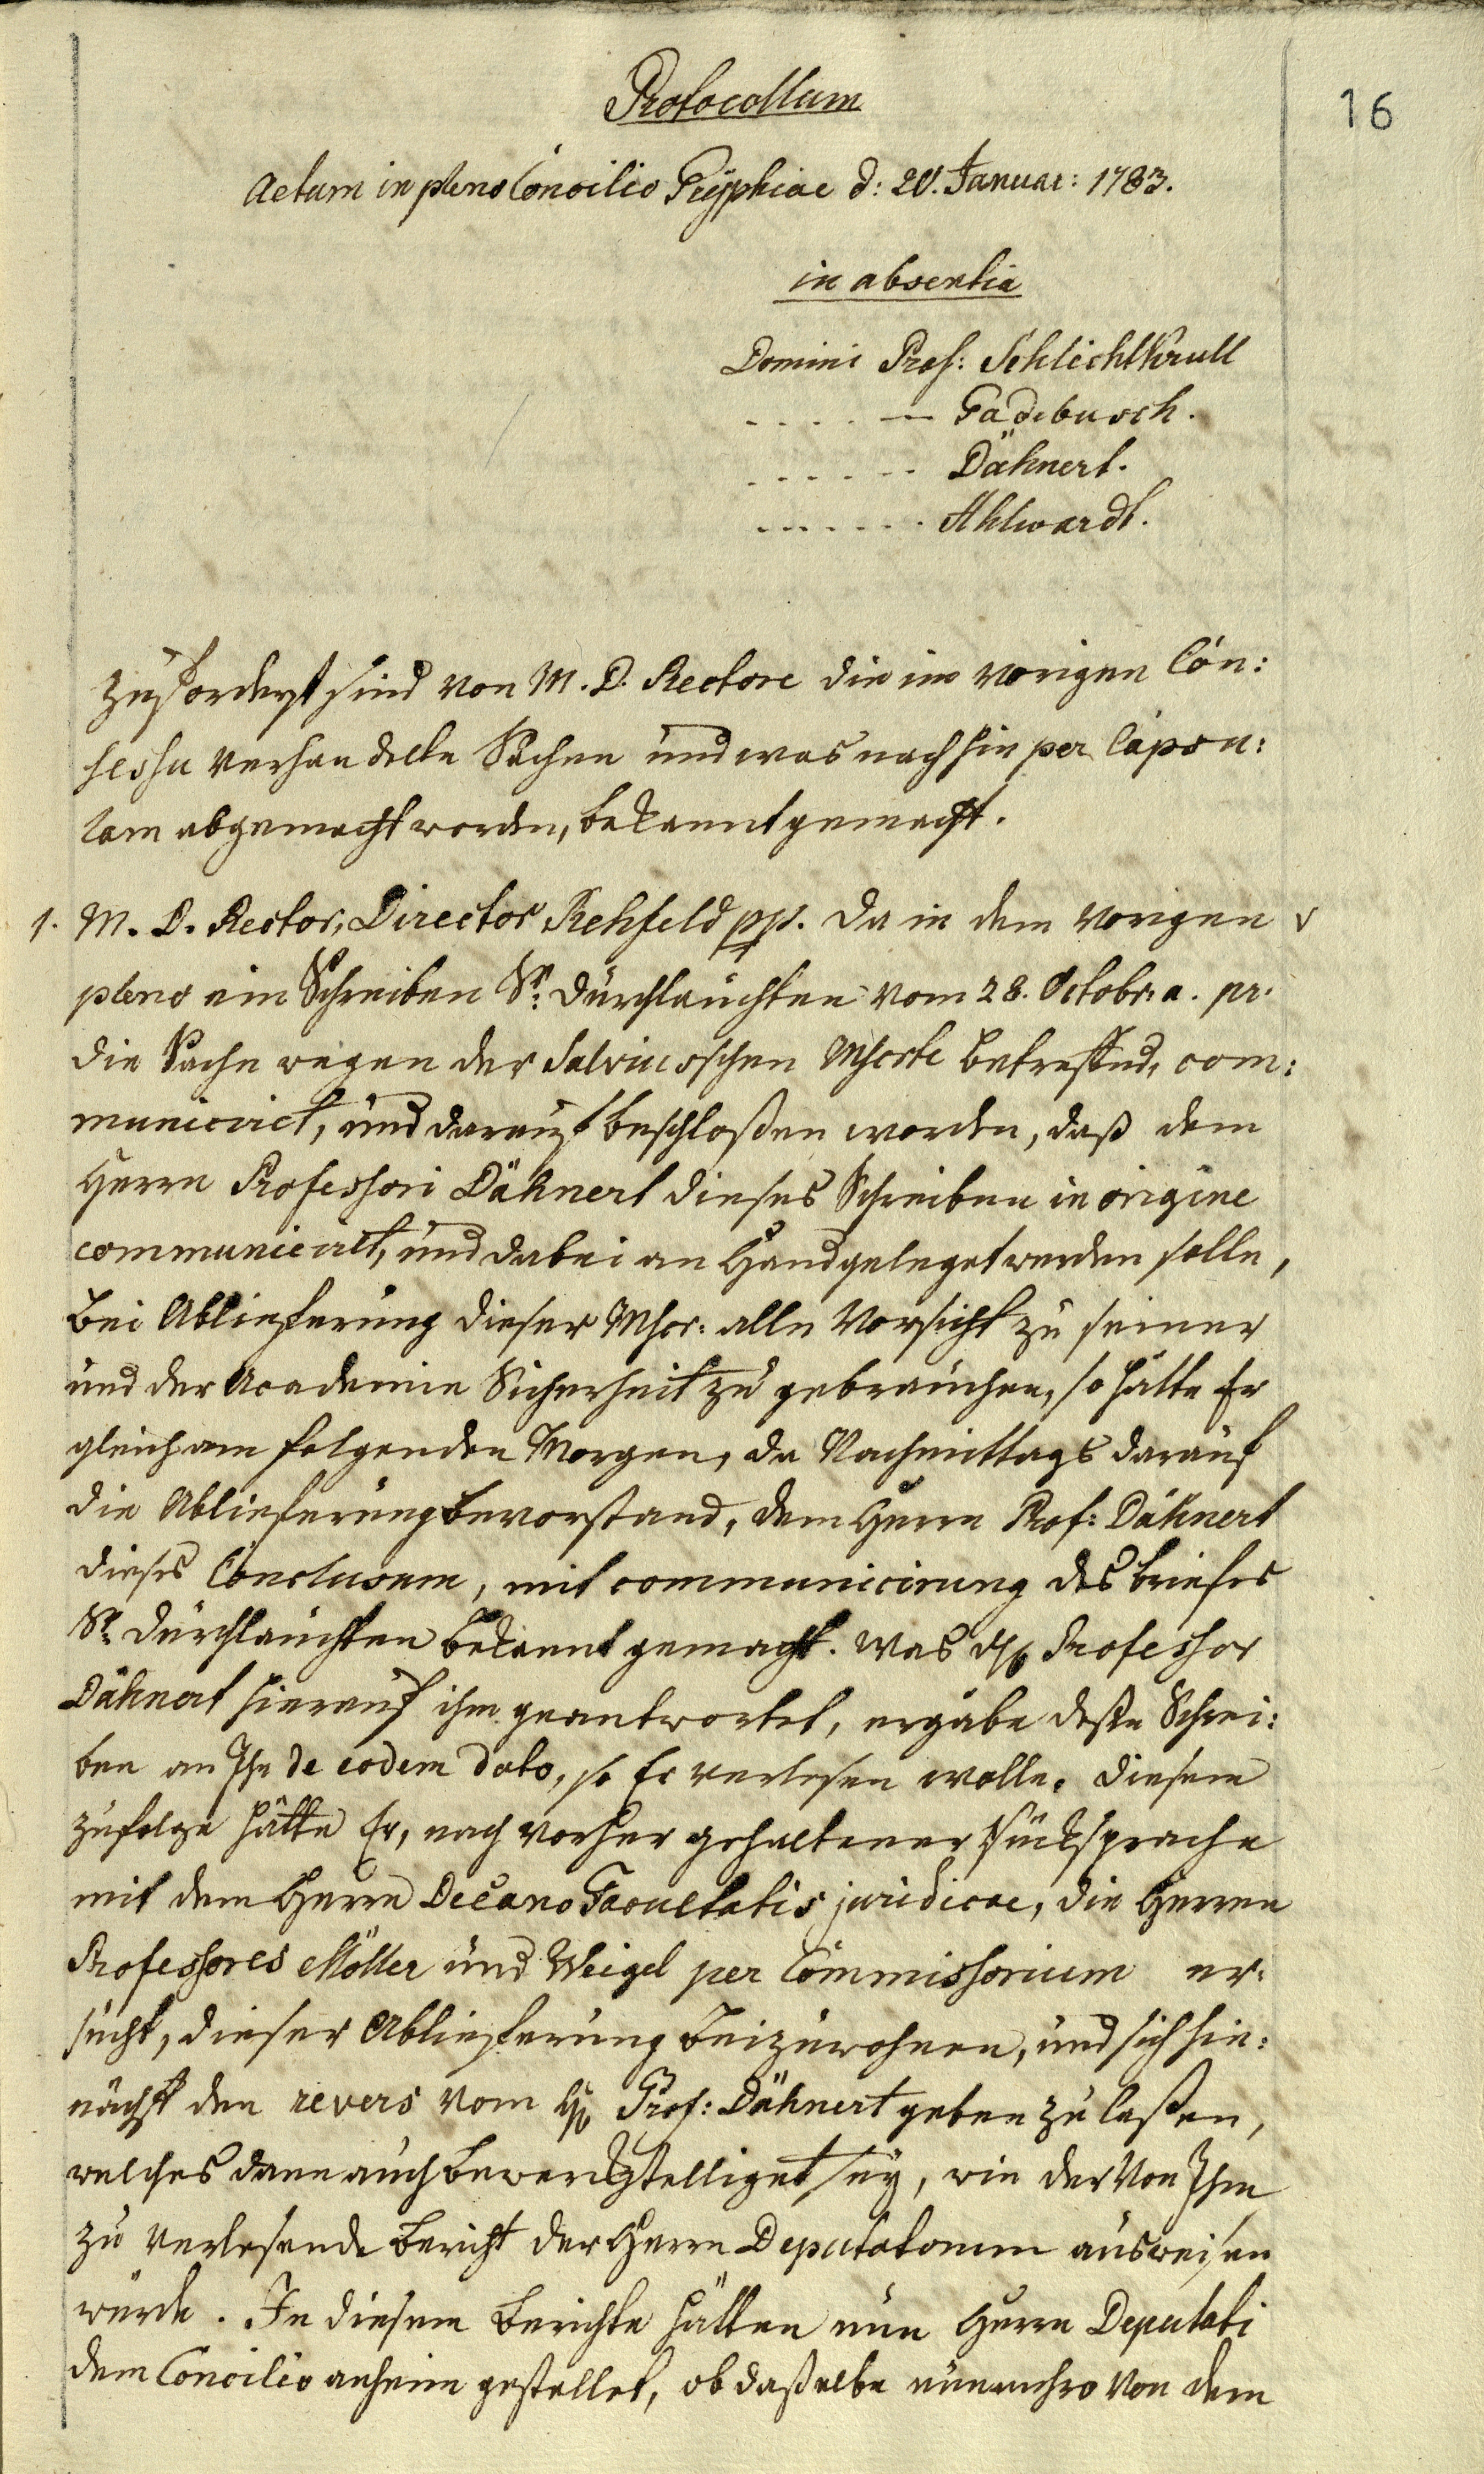Protocollum
Actum in pleno Concilio Grÿphiae d. 20. Januar. 1783
in absentia
Domini Prof. Schlichtkrull
Gadebusch.
Dähnert.
Ahlwardt.
Zuforderst sind von M. D. Rectore die im vorigen Con¬
sessu verhandelte Sachen und was nachhin per Capsu¬
lam abgemacht worden, bekanntgemacht.
1. M. D. Rector, Director Rehfeld pp. da in dem vorigen
pleno ein Schreiben Sr. Durchlauchten vom 28. Octobr. a. pr.
die Sache wegen der Salviusschen Mscrte betreffend com¬
municiret, und darauf beschloßen worden, daß dem
Herrn Professori Dähnert dieses Schreiben in origine
communiciret, und dabei an Hand geleget werden solte,
bei Ablieferung dieser Mscr. alle Vorsicht zu seiner
und der AcademieSicherheit zu gebrauchen, so hätte Er
gleich am folgenden Morgen, da Nachmittags darauf
die Ablieferung bevorstand, dem Herrn Prof. Dähnert
dieses Conclusum, mit communicirung des Briefes
Sr. Durchlauchten bekannt gemacht. Was dh Professor
Dähnert hierauf ihm geantwortet, ergäbe deßen Schrei¬
ben an Ihn de eodem dato, so Er verlesen wolle. Diesem
zufolge hätte Er, nach vorher gehaltener Rücksprache
mit dem Herrn Decano Facultatis juridicae, die Herren
Professores Möller und Weigel per Commissorium er¬
sucht, dieser Ablieferung beizuwohnen, und sich hie¬
nächst dem revers vom H. Prof. Dähnert geben zu lasen,
welches denn auch bewerckstelliget seÿ, wie der von Ihm
zu verlesende Bericht der Herrn Deputatorum ausweisen
würde. In diesem Berichte hätten nun Herrn Deputati
dem Concilio anheim gestellet, ob daßelbe nunmehro von dem